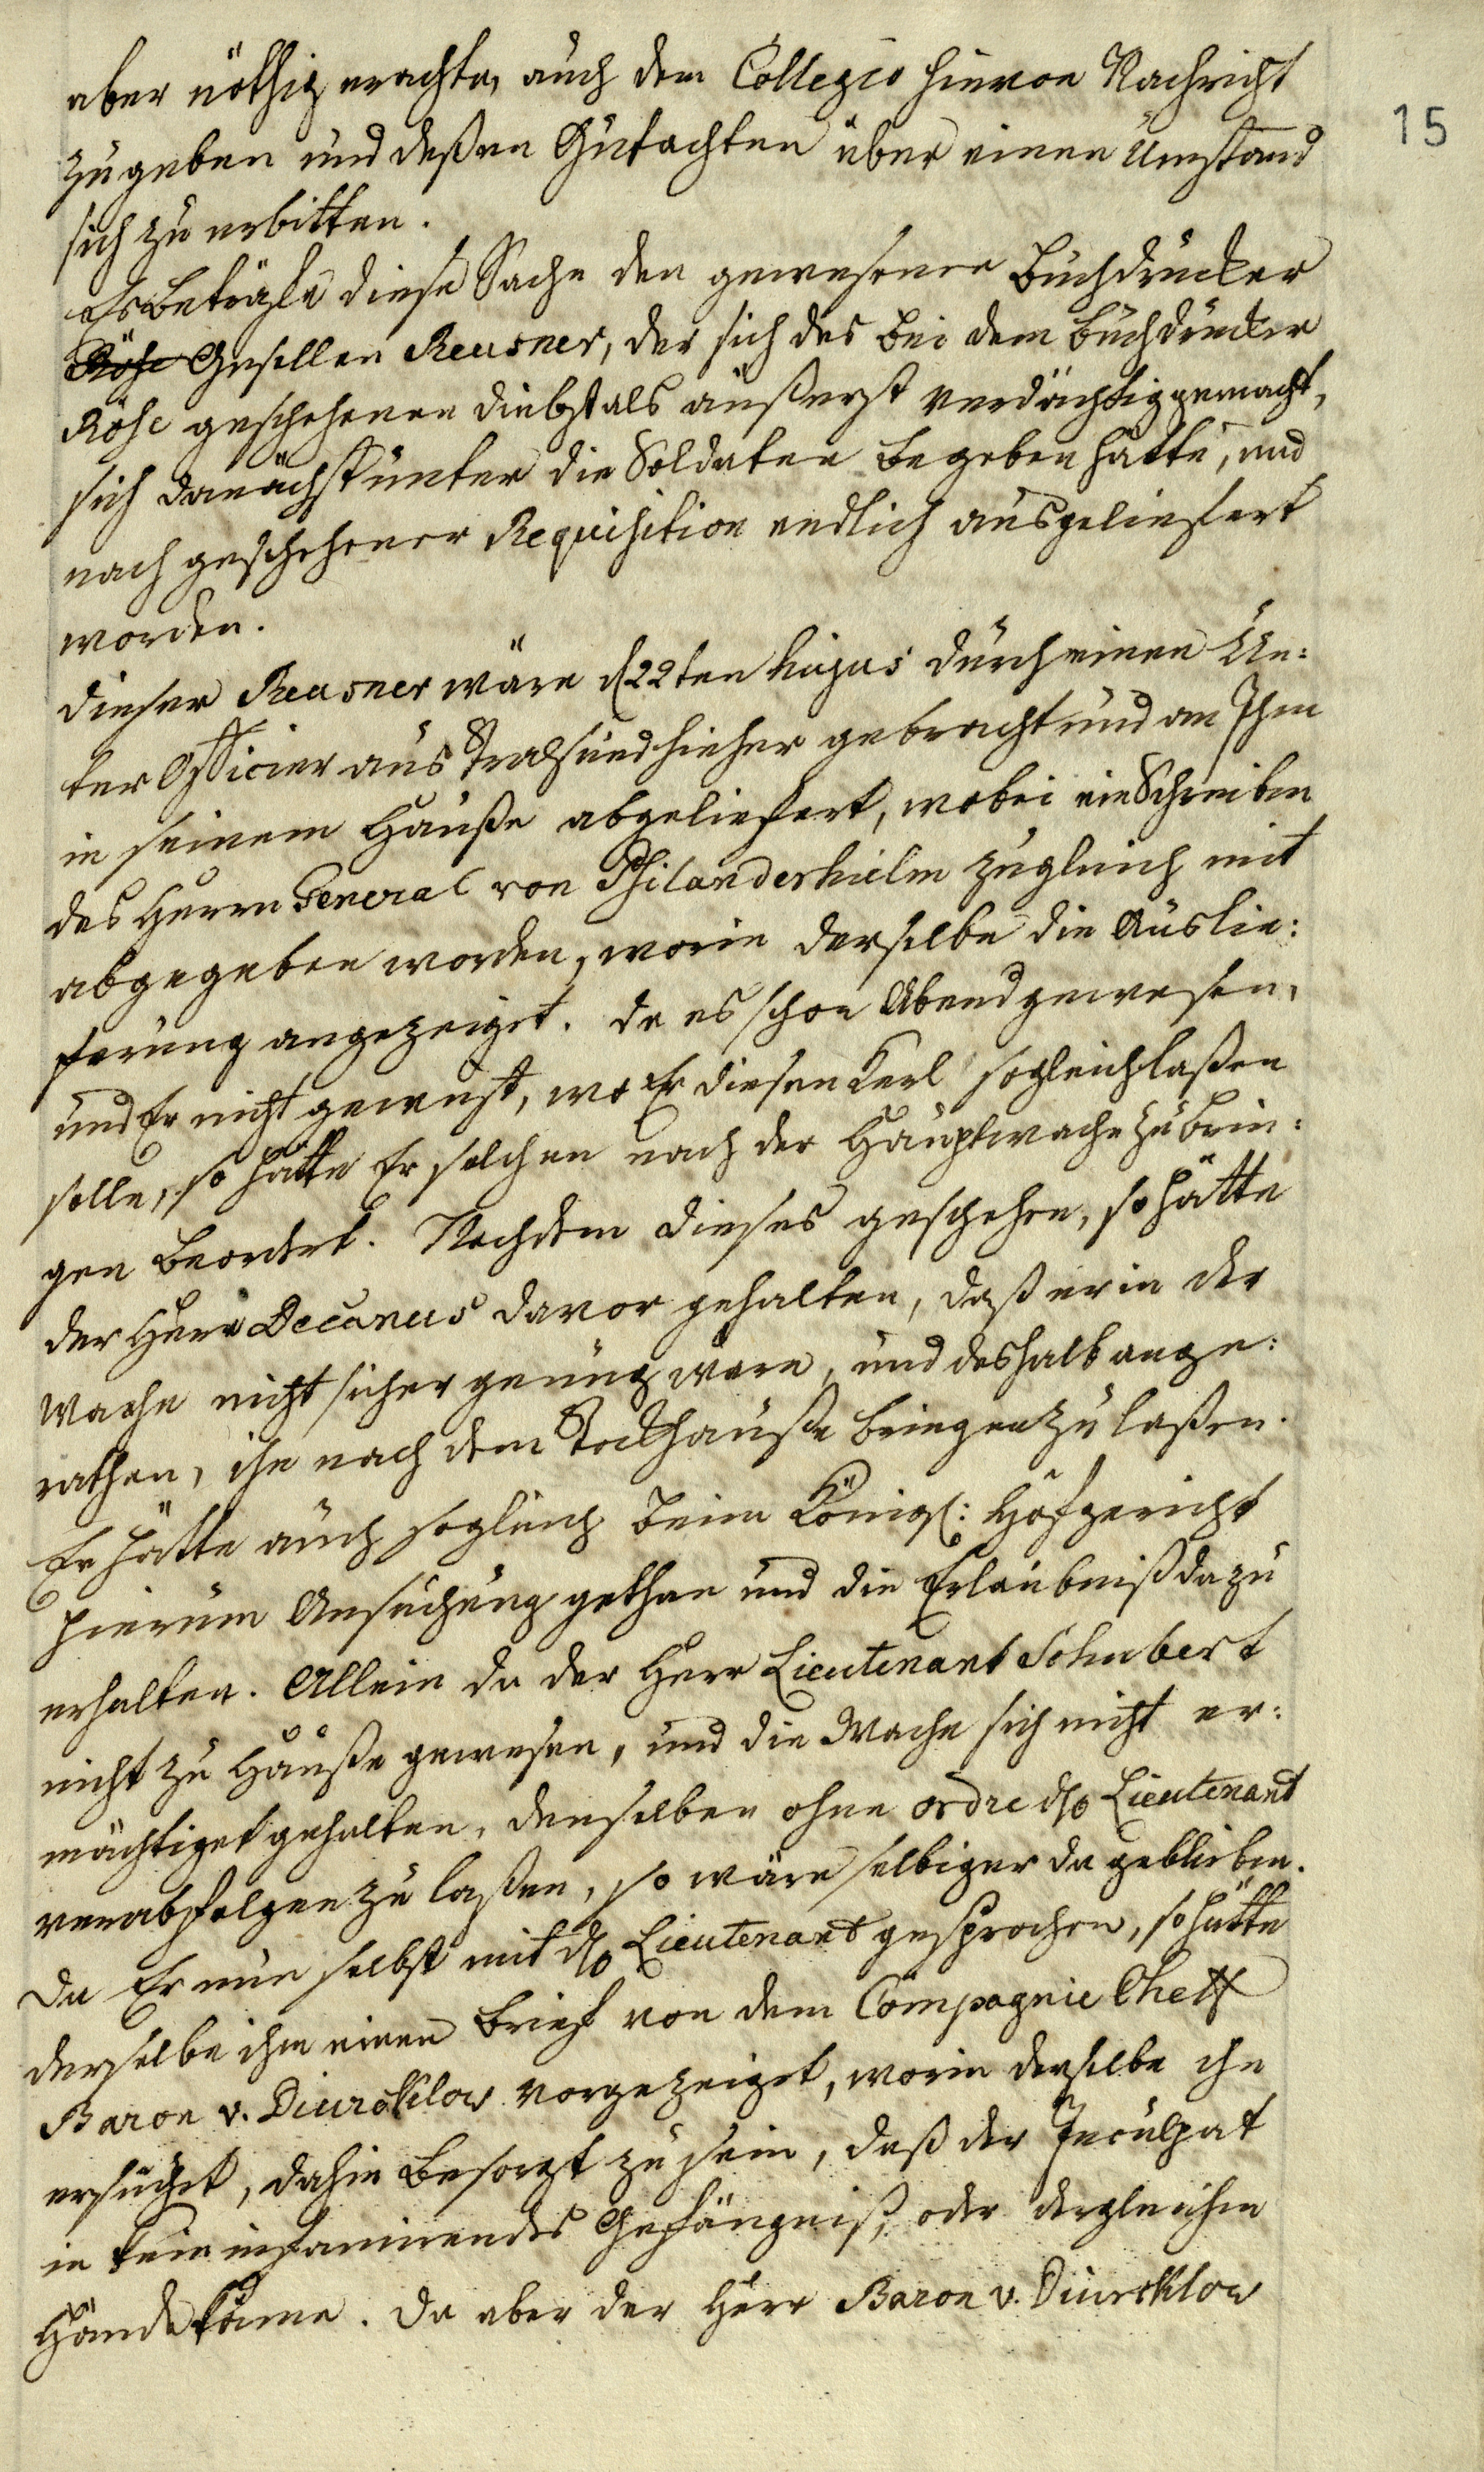aber nöthig erachte, auch dem Collegio hievon Nachricht
zu geben und deßen Gutachten über einen Umstand
sich zu erbitten.
Es beträfe diese Sache den gewesenen Buchdrucker
Röse Gesellen Reusner, der sich des bei dem Buchdrucker
Röse geschehenen Diebstahls äußerst verdächtig gemacht,
sich danächst unter die Soldaten begeben hätte, und
nach geschehener Requisition endlich ausgeliefert
worden.
Dieser Reusner wäre d. 22 ten hujus durch einen Un¬
ter Officier aus Stralsund hieher gebracht und von Ihm
in seinem Hauße abgeliefert, wobei ein Schreiben
des Herrn General von Philanderhielm zugleich mit
abgegeben worden, worin derselbe die Auslie¬
ferung angezeiget. Da es schon Abend gewesen,
und Er nicht gewust, wo Er diesen Kerl sogleich laßen
solle, so hätte Er solchen nach der Hauptwache zu brin¬
gen beordert. Nachdem dieses geschehen, so hätte
der Herr Decanus davor gehalten, daß er in der
Wache nicht sicher genug wäre, und deshalb ange¬
rathen, ihn nach dem Stockhauße bringen zu laßen.
Er hätte auch sogleich beim Königl. Hofgericht
hierum Ansuchung gethan und die Erlaubniß dazu
erhalten. Allein da der Herr Lieutenant Schubert
nicht zu Hauße gewesen, und die Wache sich nicht er¬
mächtiget gehalten, denselben ohne ordre dh Lieutenant
verabfolgen zu laßen, so wäre selbiger da geblieben.
Da Er nun selbst mit dh Lieutenant gesprochen, so hätte
derselbe ihm einen Brief von dem Compagniecheff
Baron v. Diurcklow vorgezeiget, worin derselbe ihn
ersuchet, dahin besorgt zu sein, daß der Inculpat
in kein infamirendes Gefängniß, oder dergleichen
Hände käme. Da aber der Herr Baron v. Diurcklow